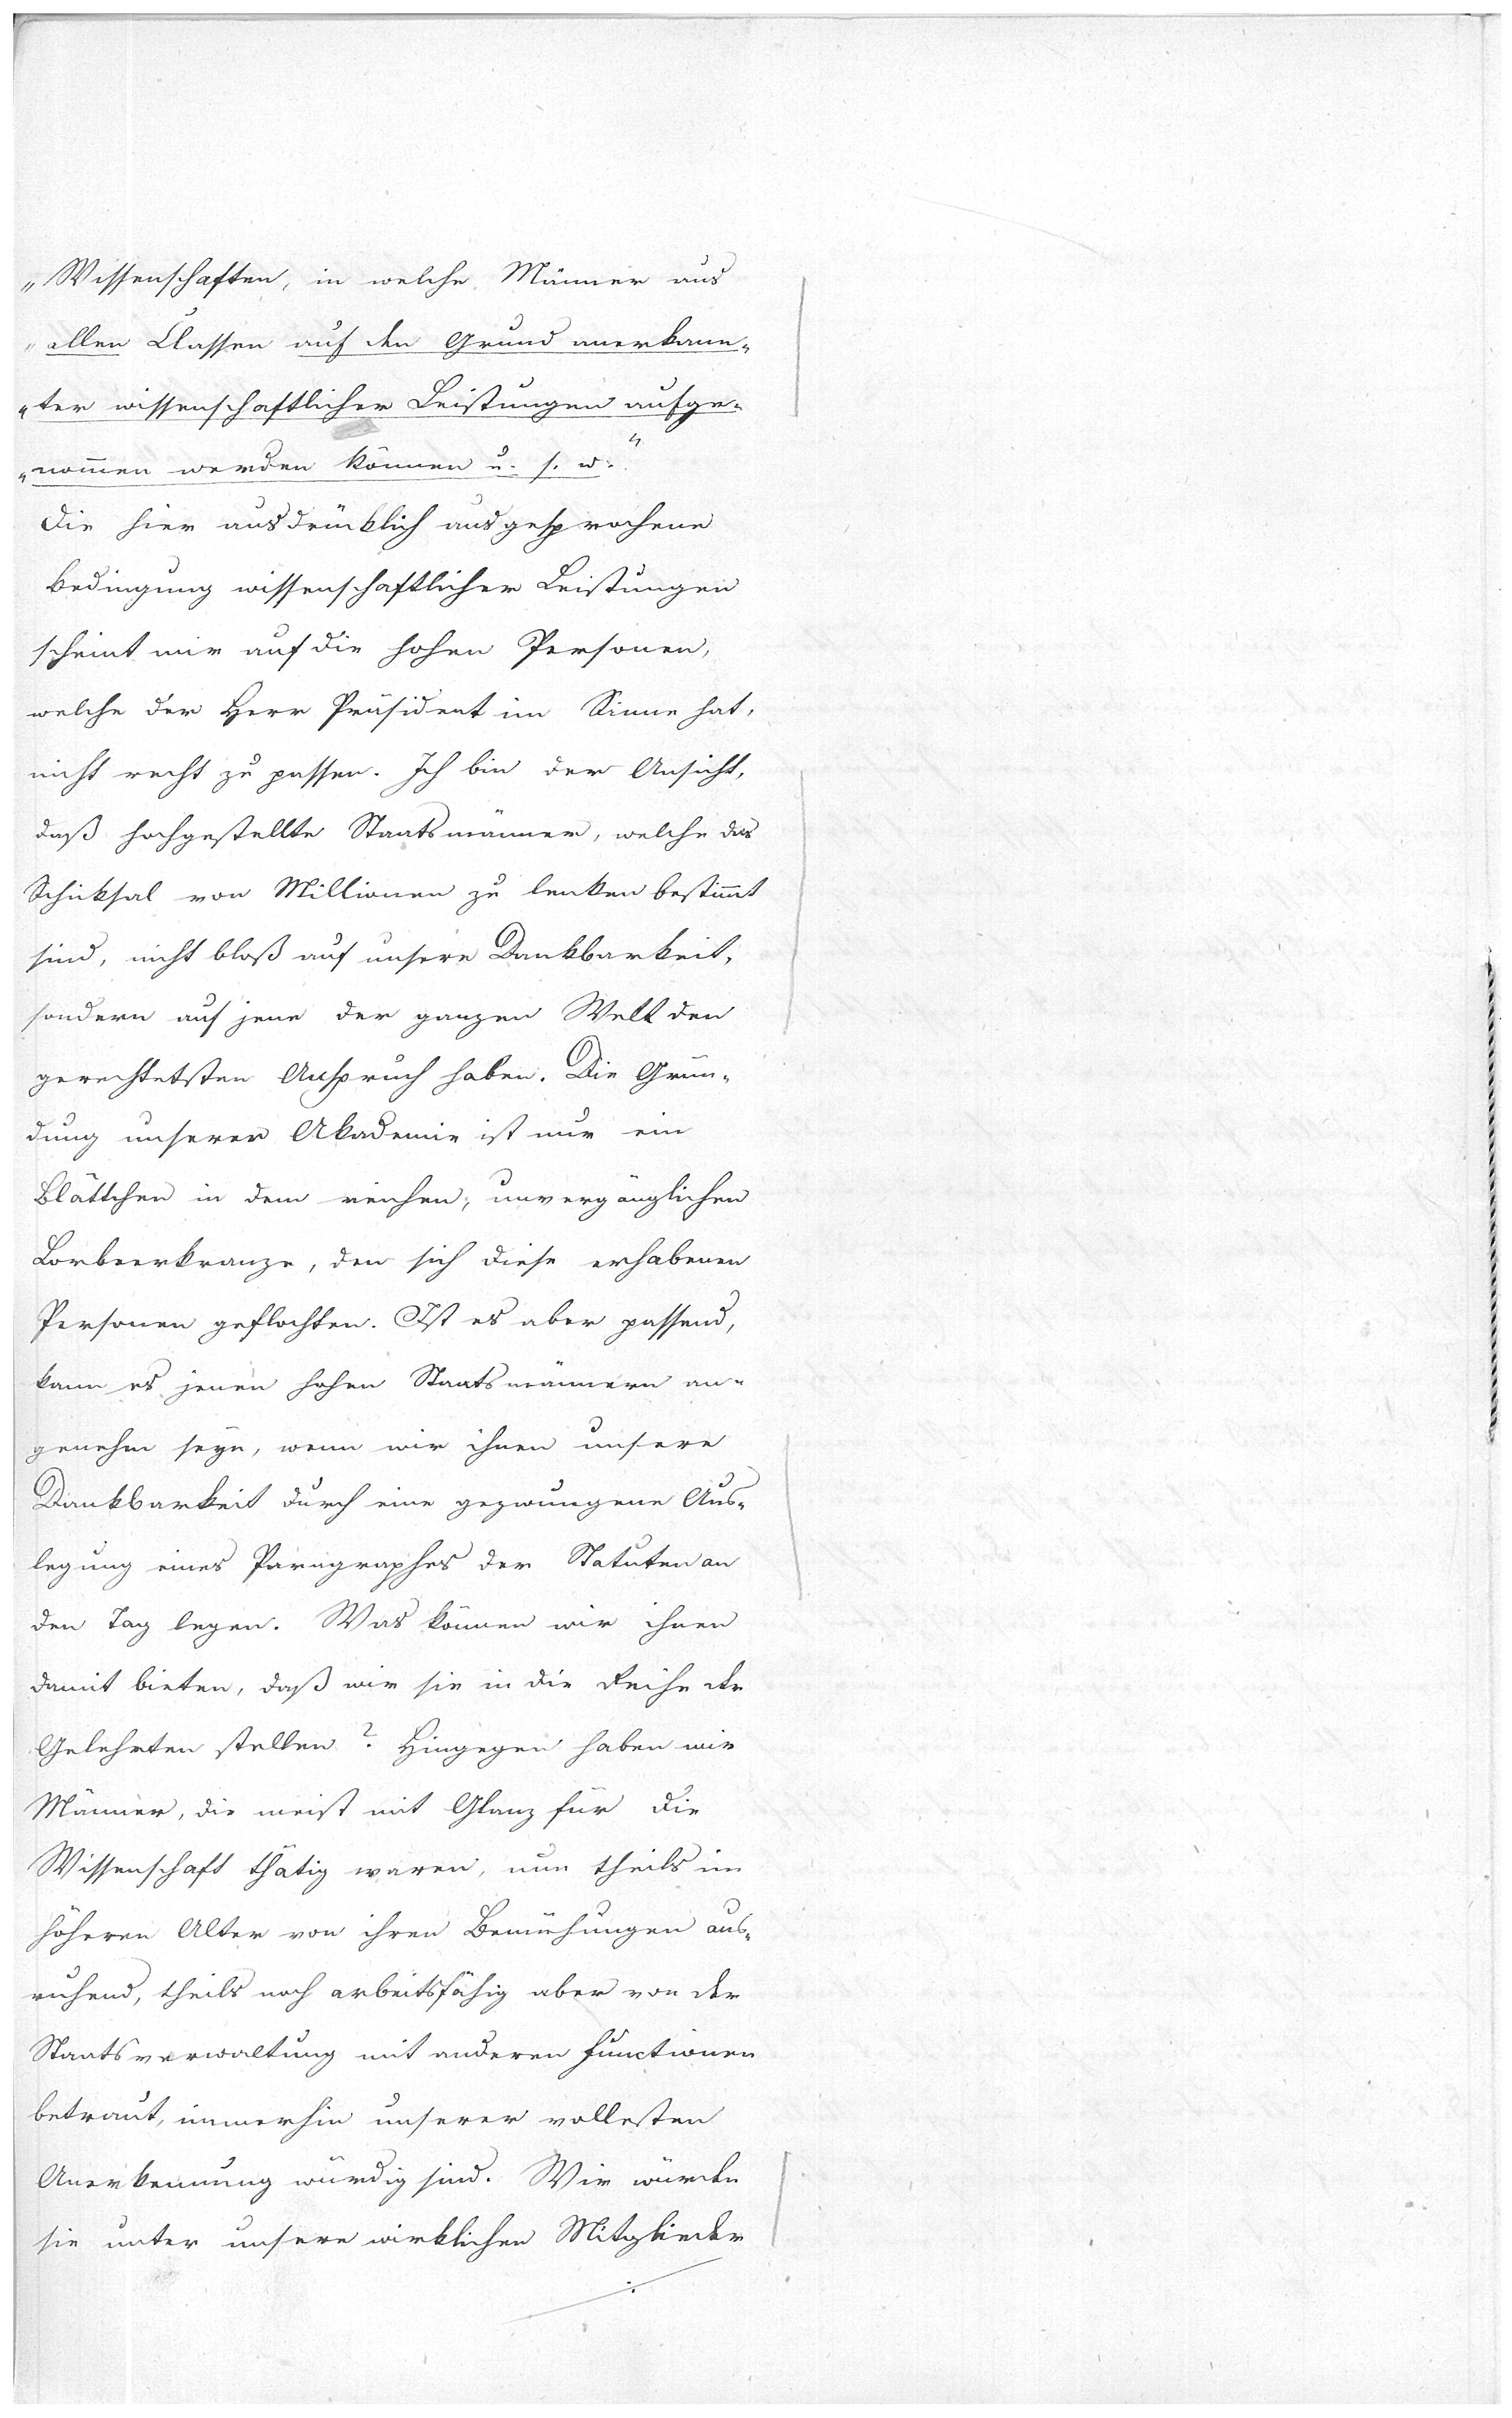"Wissenschaften, in welche Männer aus
"allen Classen auf den Grund anerkann-
"ter wissenschaftlicher Leistungen aufge-
"nommen werden können u. s. w."
Die hier ausdrücklich ausgesprochene
bedingung wissenschaftlicher Leistungen
scheint mir auf die hohen Personen,
welche der Herr Präsident im Sinne hat,
nicht recht zu passen. Ich bin der Ansicht,
daß hochgestellte Staatsmänner, welche das
Schicksal von Millionen zu lenken bestimmt
sind, nicht bloß auf unsere Dankbarkeit,
sondern auf jene der ganzen Welt den
gerechtetsten Anspruch haben. Die Grün-
dund unserer Akademie ist nur ein
Blättchen in dem reichen, unvergänglichen
Lorbeerkranze, den sich diese erhabenen
Personen geflochten. Ist es aber passend,
kann es jenen hohen Staatsmännern an-
genehm seyn, wenn wir ihnen unsere
Dankbarkeit durch eine gezwungene Aus-
legung eines Paraphraphes der Statuten an
den Tag legen. Was können wie ihnen
damit bieten, daß wir sie in die Reihe der
Gelehrten stellen? Hingegen haben wir
Männer, die meist mit Glanz für die
Wissenschaft thätig waren, nun theils im
höheren Alter von ihren Bemühungen aus-
ruhend, theils noch arbeitsfähig, aber von der
Staatsverwaltung mit sneren Functionen
betraut, immerhin unserer vollesten
Anerkennung würdig sind. Wir würden
sie unter unsere wirklichen Mitglieder